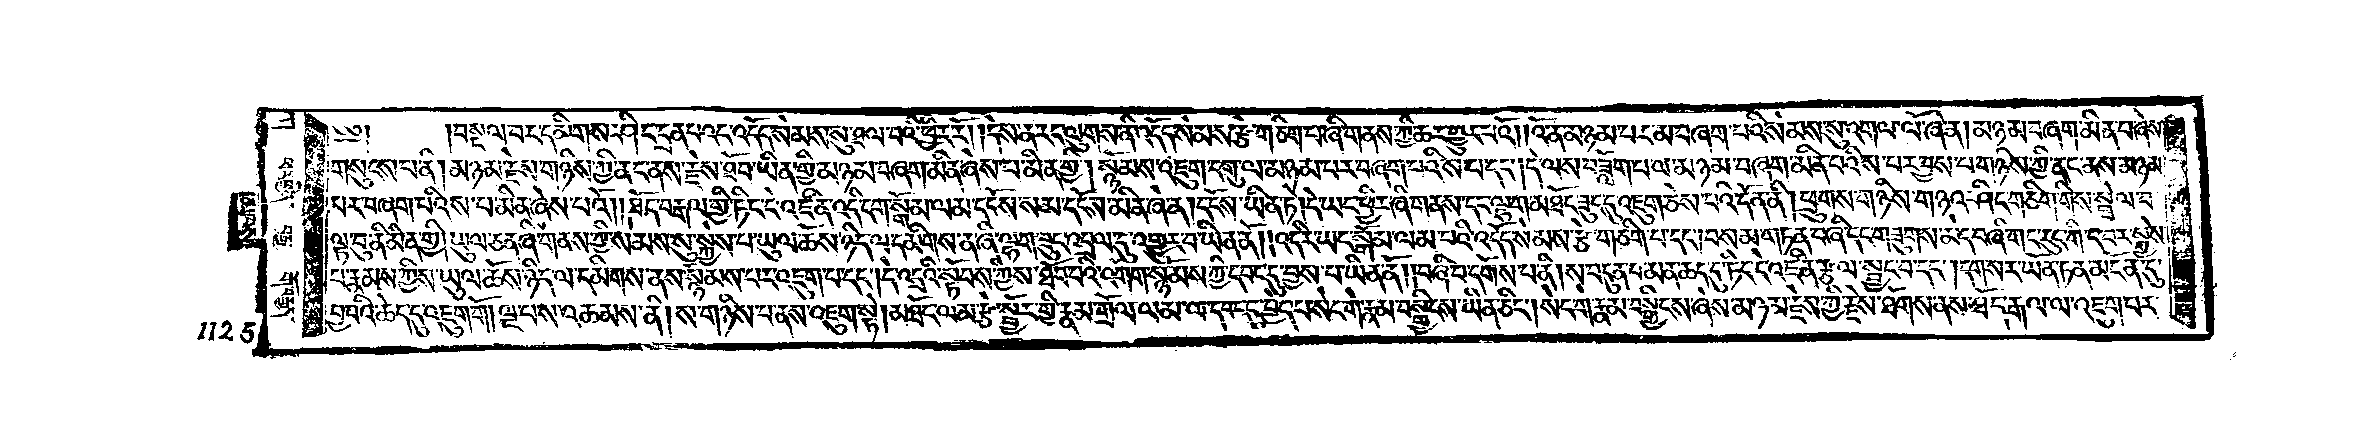༄༅། །བསྔལ་བར་དམིགས་ཤིང་དྲན་པའང་འདོད་སེམས་སུ་ཐལ་བའི་ཕྱིར་རོ། །དེས་ན་རང་ལུགས་ནི་འདོད་སེམས་རྩེ་གཅིག་པ་ཞི་གནས་ཀྱི་ཆར་གྱུར་པའོ། །འོ་ན་མཉམ་པར་མ་བཞག་པའི་སེམས་སུ་འགལ་ལོ་ཞེ་ན། མཉམ་བཞག་མིན་པ་ཞེས་
གསུངས་པ་ནི། མཉམ་རྗེས་གཉིས་ཀྱི་ནང་ནས་རྗེས་ཐོབ་ཡིན་གྱི་མཉམ་བཞག་མིན་ཞེས་པ་མིན་གྱི། སྙོམས་འཇུག་དགུ་ལ་མཉམ་པར་བཞག་པའི་ས་པ་དང་། དེ་ལས་བཟློག་པ་ལ་མཉམ་བཞག་མིན་པའི་ས་པར་བྱས་པ་གཉིས་ཀྱི་ནང་ནས་མཉམ་
པར་བཞག་པའི་ས་པ་མིན་ཞེས་པའོ། །ཐོད་བརྒལ་གྱི་ཏིང་ངེ་འཛིན་འདི་དག་སྒོམ་ལམ་དངོས་སམ་དངོས་མིན་ཞེ་ན། དངོས་ཡིན་ཏེ། དེ་ཡང་ཕྱིར་ཞི་གནས་དང་ལྷག་མཐོང་ཟུང་དུ་འཇུག་ཅེས་པའི་དོན་ནི། ཕྲུགས་གཉིས་གཉའ་ཞིང་གཅིག་གིས་སྦྲེལ་བ་
ལྟ་བུ་ནི་མིན་གྱི། ཡུལ་ཅན་ཞི་གནས་ཀྱི་སེམས་སུ་སྐྱེས་པ་ཡུལ་ཆོས་ཉིད་ལ་དམིགས་ན་ཞི་ལྷག་ཟུང་འབྲལ་དུ་འགྱུར་བ་ཡིན་ནོ། །འདིར་ཡང་སྒོམ་ལམ་པའི་འདོད་སེམས་རྩེ་གཅིག་པ་དང་། བསམ་གཏན་བཞི་དང་གཟུགས་མེད་བཞི་གང་རུང་གི་དེ་བར་སྐྱེས་
པ་རྣམས་ཀྱིས་ཡུལ་ཆོས་ཉིད་ལ་དམིགས་ནས་སྙོམས་པར་འཇུག་པ་དང་། དེ་འདྲའི་སྟོབས་ཀྱིས་ཐོབ་པའི་འགོག་སྙོམས་ཀྱི་དབང་དུ་བྱས་པ་ཡིན་ནོ། །བཞི་པ་དགོས་པ་ནི། ས་བདུན་པ་མན་ཆད་དུ་ཏིང་ངེ་འཛིན་རྩལ་སྦྱང་བ་དང་། དག་སར་ཡོན་ཏན་མངོན་དུ་
བྱ་བའི་ཆེད་དུ་འཇུག་གོ །ལྔ་པས་འཚམས་ནི། ས་གཉིས་པ་ནས་འཇུག་སྟེ། མཐོང་ལམ་རྩེ་སྦྱོར་གྱི་རྣམ་གྲོལ་ལམ་ལ་དབང་དུ་བྱེད་པ་སེང་གེ་རྣམ་བསྒྱིངས་ཡིན་ཅིང་། སེང་གེ་རྣམ་བསྒྱིངས་ཞེས་མཉམ་རྗེས་ཀྱི་ཐོགས་ནས་ཐོད་རྒལ་ལ་འཇུག་པར་